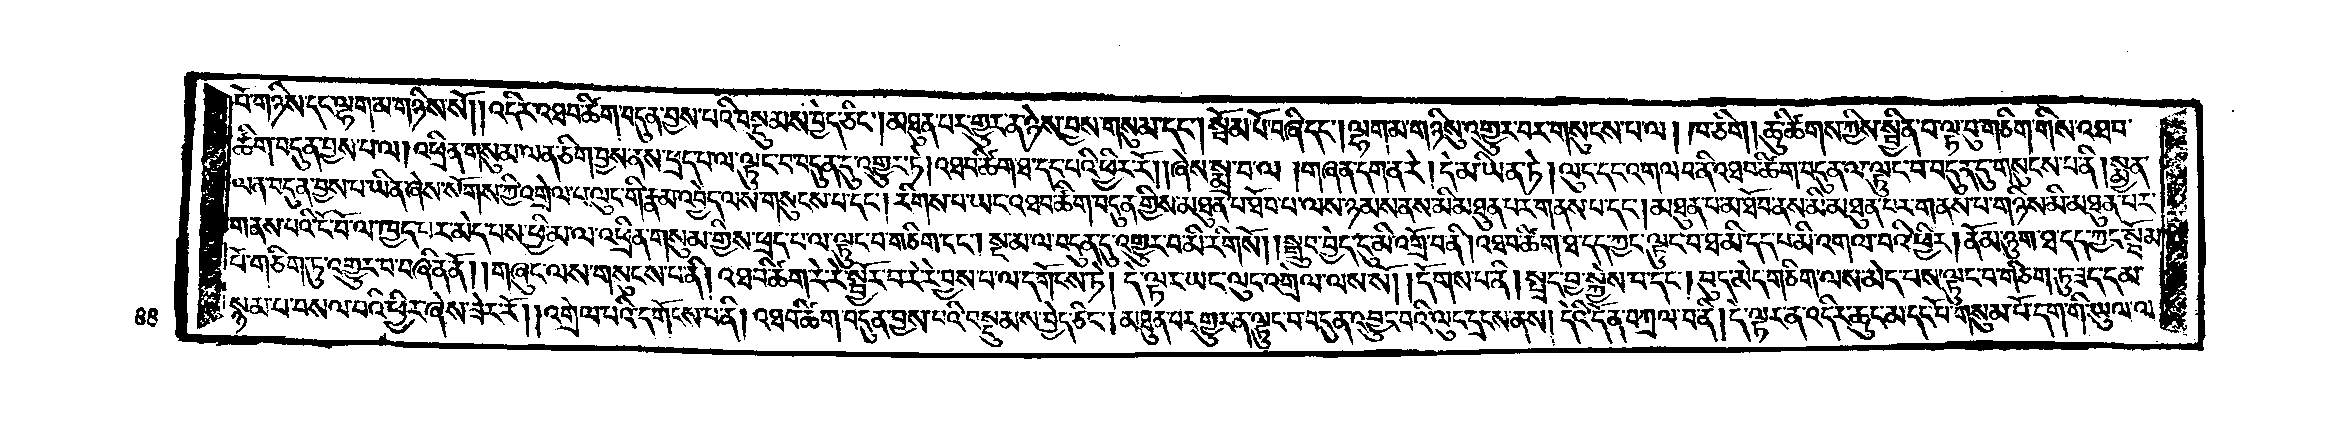པོ་གཉིས་དང་ལྷག་མ་གཉིས་སོ། །འདིར་འཐབ་ཚིག་བདུན་བྱས་པའི་བསྡུམས་བྱེད་ཅིང་། མཐུན་པར་གྱུར་ན་ཉེས་བྱས་གསུམ་དང་། སྦོམ་པོ་བཞི་དང་། ལྷག་མ་གཉིས་སུ་འགྱུར་བར་གསུངས་པ་ལ། ཁ་ཅིག །ཆུ་ཚིགས་ཀྱིས་སྦྱིན་པ་ལྟ་བུ་གཅིག་གིས་འཐབ་
ཚིག་བདུན་བྱས་པ་ལ། འཕྲིན་གསུམ་ལན་ཅིག་བྱས་ནས་ཕྲད་པ་ལ་ལྟུང་བ་བདུན་དུ་འགྱུར་ཏེ། འཐབ་ཚིག་ཐ་དང་པའི་ཕྱིར་རོ། །ཞེས་སྨྲ་བ་ལ། གཞན་དག་ན་རེ། དེ་མ་ཡིན་ཏེ། ལུང་དང་འགལ་བ་ནི་འཐབ་ཚིག་བདུན་ལ་ལྟུང་བ་བདུན་དུ་གསུངས་པ་ནི། སྨྱན་
ལན་བདུན་བྱས་པ་ཡིན་ཞེས་སོགས་ཀྱི་འགྲེལ་པ་ལུང་གི་རྣམ་འབྱེད་ལས་གསུངས་པ་དང་། རིགས་པ་ཡང་འཐབ་ཚིག་བདུན་གྱིས་མཐུན་པ་ཐོབ་པ་ལས་ཉམས་ནས་མི་མཐུན་པར་གནས་པ་དང་། མཐུན་པ་མ་ཐོབ་ནས་མི་མཐུན་པར་གནས་པ་གཉིས་མི་མཐུན་པར་
གནས་པའི་ངོ་བོ་ལ་ཁྱད་པར་མེད་པས་ཕྱི་མ་ལ་འཕྲིན་གསུམ་གྱིས་ཕྲད་པ་ལ་ལྟུང་བ་གཅིག་དང་། སྔ་མ་ལ་བདུན་དུ་འགྱུར་བ་མི་རིགས་སོ། །སྒྲུབ་བྱེད་དུ་མི་འགྲོ་བ་ནི། འཐབ་ཚིག་ཐ་དད་ཀྱང་ལྟུང་བ་ཐ་མི་དད་པ་མི་འགལ་བའི་ཕྱིར། ནོམ་ཉུག་ཐ་དད་ཀྱང་སྦོམ་
པོ་གཅིག་ཏུ་འགྱུར་བ་བཞིན་ནོ། །གཞུང་ལས་གསུངས་པ་ནི། འཐབ་ཚིག་རེ་རེ་སྦྱོར་བ་རེ་རེ་བྱས་པ་ལ་དགོངས་ཏེ། དེ་ལྟར་ཡང་ལུང་འགྲེལ་ལས་སོ། །དོགས་པ་ནི། སྤྲད་བྱ་སྐྱེས་པ་དང་། བུད་མེད་གཅིག་ལས་མེད་པས་ལྟུང་བ་གཅིག་ཏུ་ཟད་དམ་
སྙམ་པ་བསལ་བའི་ཕྱིར་ཞེས་ཟེར་རོ། །འགྲེལ་པའི་དགོངས་པ་ནི། འཐབ་ཚིག་བདུན་བྱས་པའི་བསྡུམས་བྱེད་ཅིང་། མཐུན་པར་གྱུར་ན་ལྟུང་བ་བདུན་འབྱུང་བའི་ལུང་དྲངས་ནས། དེའི་དོན་བཀྲལ་བ་ནི། དེ་ལྟར་ན་འདིར་ཆུང་མ་དང་པོ་གསུམ་པོ་དག་གི་ཡུལ་ལ་